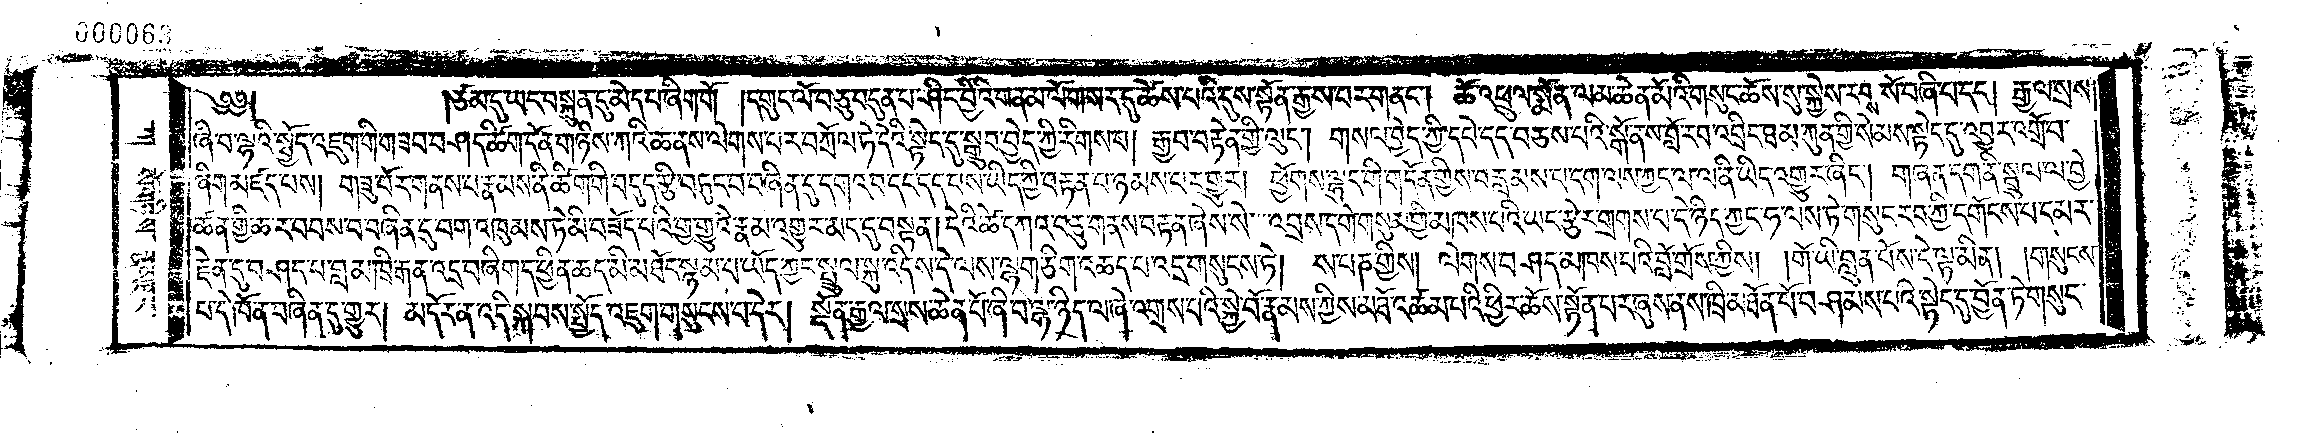༄༅། །ཙམ་དུ་ཡང་བསྐྲུན་དུ་མེད་པ་ཞིག་གོ །དགུང་ལོ་བཅུ་བདུན་པ་ཤིང་བྱིའི་གནམ་ལོ་གསར་དུ་ཚེས་པའི་དུས་སྟོན་རྒྱས་པར་གནང་། ཆོ་འཕྲུལ་སྨོན་ལམ་ཆེན་མོའི་གསུང་ཆོས་སུ་སྐྱེས་རབས་སོ་བཞི་པ་དང་། རྒྱལ་སྲས་
ཞི་བ་ལྷའི་སྤྱོད་འཇུག་གི་གཟབ་བཤད་ཚིག་དོན་གཉིས་ཀའི་ཆ་ནས་ལེགས་པར་བཀྲོལ་ཏེ་དེའི་སྟེང་དུ་སྒྲུབ་བྱེད་ཀྱི་རིགས་པ། རྒྱབ་བརྟེན་གྱི་ལུང་། གསལ་བྱེད་ཀྱི་དཔེ་དང་བཅས་པའི་སྒོ་ནས་བློ་རབ་འབྲིང་ཐ་མ་ཀུན་གྱི་སེམས་སྟེང་དུ་འབྱར་འགྲོ་བ་
ཞིག་མཛད་པས། གཟུ་བོར་གནས་པ་རྣམས་ནི་ཚིག་གི་བདུད་རྩི་བཏུང་བ་བཞིན་དུ་དགའ་བ་དང་དད་པས་ཡིད་ཀྱི་བརྟན་པ་ཉམས་པར་གྱུར། ཕྱོགས་ལྷུང་གི་གདོན་གྱིས་བརླམས་པ་དག་ལས་ཀྱང་ལ་ལ་ནི་ཡིད་འགྱུར་ཞིང་། གཞན་དག་ནི་སྤྲུལ་ལ་བྱེ་
ཚན་གྱི་ཆར་བབས་པ་བཞིན་དུ་བག་འཁུམས་ཏེ་མི་བཟོད་པའི་གྱ་གྱུའི་རྣམ་འགྱུར་མང་དུ་བསྟན། དེའི་ཚེ་དཀའ་བཅུ་གནས་བརྟན་ཞེས་སེ་འབྲས་དགེ་གསུམ་གྱི་མཁས་པའི་ཡང་རྩེར་གྲགས་པ་དེ་ཉིད་ཀྱང་ཧ་ལས་ཏེ་གསུང་རབ་ཀྱི་དགོངས་པ་དམར་
རྗེན་དུ་བཤད་པ་བླ་མ་ཁྲི་རྒན་འདྲ་བ་ཞིག་ད་ཕྱིན་ཆད་མི་མཐོང་སྙམ་པ་ཡོད་ཀྱང་སྤྲུལ་སྐུ་འདིས་དེ་ལས་ལྷག་ཅིག་འཆད་པ་འདྲ་གསུངས་ཏེ། ས་པཎ་གྱིས། ལེགས་བཤད་མཁས་པའི་བློ་གྲོས་ཀྱིས། །གོ་ཡི་བླུན་པོས་དེ་ལྟ་མིན། །གསུངས་
བ་དེ་ཁོ་ན་བཞིན་དུ་གྱུར། མདོར་ན་འདི་སྐབས་སྤྱོད་འཇུག་གསུངས་པ་དེར། སྔོན་རྒྱལ་སྲས་ཆེན་པོ་ཞི་བ་ལྷ་ཉིད་ལ་ཞེ་འགྲས་པའི་སྐྱེ་བོ་རྣམས་ཀྱིས་མཐོ་འཚམ་པའི་ཕྱིར་ཆོས་སྟོན་པར་ཞུས་ནས་ཁྲི་མཐོན་པོ་བཤམས་པའི་སྟེང་དུ་བྱོན་ཏེ་གསུང་